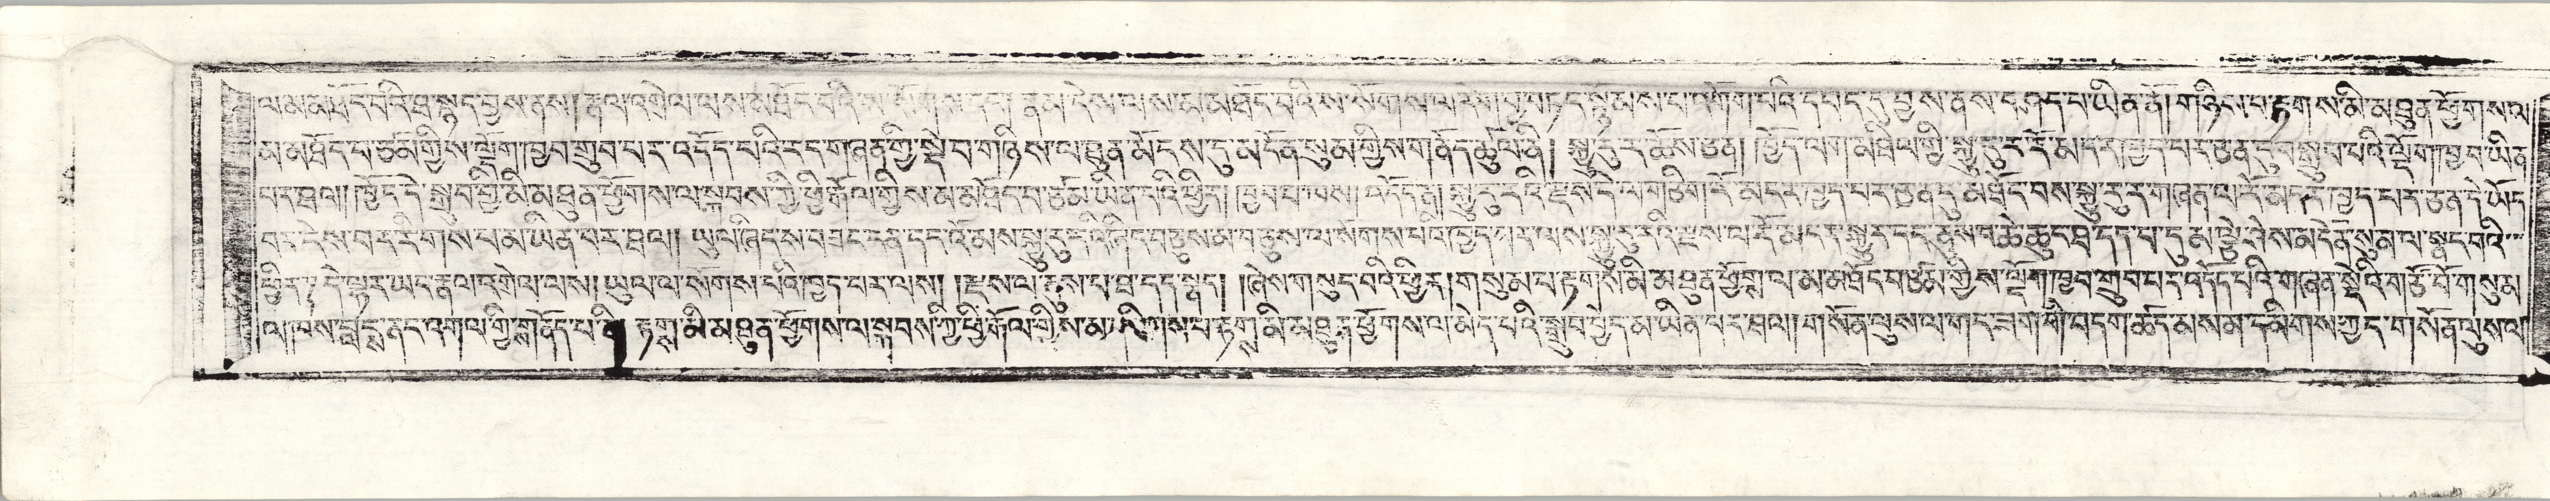ལ་མ་མཐོང་བའི་ཐ་སྙད་བྱས་ནས། རྣལ་འགྲེལ་ལས་མཐོང་བའི་ས་སོགས་དང་། རྣམ་ངེས་ལས་མ་མཐོང་བའི་ས་སོགས་ལ་རེག་བྱ་བཏང་སྙོམས་པ་འགོག་པའི་དབང་དུ་བྱས་ནས་བཤད་པ་ཡིན་ནོ། གཉིས་པ་རྟགས་མི་མཐུན་ཕྱོགས་ལ་
མ་མཐོང་བ་ཙམ་གྱིས་ལྡོག་ཁྱབ་གྲུབ་པར་འདོད་པའི་རང་གཞན་གྱི་སྡེ་བ་གཉིས་ལ་ཐུན་མོང་དུ་མངོན་སུམ་གྱིས་གནོད་ཚུལ་ནི། སྐྱུ་རུ་ར་ཆོས་ཅན། ཁྱོད་ལག་མཐིལ་གྱི་སྐྱུ་རུ་ར་རོ་མངར་ཁྱད་པར་ཅན་དུ་སྒྲུབ་པའི་ལྡོག་ཁྱབ་ཡིན་
པར་ཐལ། ཁྱོད་དེ་སྒྲུབ་གྱི་མི་མཐུན་ཕྱོགས་ལ་སྐབས་ཀྱི་ཕྱི་རྒོལ་གྱིས་མ་མཐོང་བ་ཙམ་ཡིན་པའི་ཕྱིར། ཁྱབ་པ་ཁས། འདོད་ན། སྐྱུ་རུ་རའི་རྫས་དེ་ལ་གཅིག་རོ་མངར་ཁྱད་པར་ཅན་དུ་མཐོང་བས་སྐྱུ་རུ་ར་གཞན་ལ་རོ་མངར་ཁྱད་པར་ཅན་དེ་ཡོད་
པར་ངེས་པར་རིགས་པ་མ་ཡིན་པར་ཐལ། ཡུལ་ཞིང་ས་བཟང་ངན་དང་འོ་མས་སྐྱུ་རུ་རའི་ཞིང་བཅུས་མ་བཅུས་ལ་སོགས་པའི་ཁྱད་པར་ལས་སྐྱུ་རུ་རའི་རྫས་ལ་རོ་མངར་སྐྱུར་དང་ནུས་པ་ཆེ་ཆུང་ཐ་དད་པ་དུ་མ་ལྕེ་ཤེས་མངོན་སུམ་ལ་སྣང་བའི་
ཕྱིར། །དེ་ལྟར་ཡང་རྣལ་འགྲེལ་ལས། ཡུལ་ལ་སོགས་པའི་ཁྱད་པར་ལས། །རྫས་ལ་ནུས་པ་ཐ་དད་སྣང་། །ཞེས་གསུངས་པའི་ཕྱིར། གསུམ་པ་རྟགས་མི་མཐུན་ཕྱོགས་ལ་མ་མཐོང་བ་ཙམ་གྱིས་ལྡོག་ཁྱབ་གྲུབ་པར་འདོད་པའི་གཞན་སྡེའི་གཙོ་བོ་གསུམ་
ལ་ཁས་བླངས་ནང་འགལ་གྱིས་གནོད་པ་ནི། རྟགས་མི་མཐུན་ཕྱོགས་ལ་སྐབས་ཀྱི་ཕྱི་རྒོལ་གྱིས་མ་དམིགས་པ་རྟགས་མི་མཐུན་ཕྱོགས་ལ་མེད་པའི་སྒྲུབ་བྱེད་མ་ཡིན་པར་ཐལ། གསོན་ལུས་ལ་གང་ཟག་གི་བདག་ཚད་མས་མ་དམིགས་ཀྱང་གསོན་ལུས་ལ་གང་